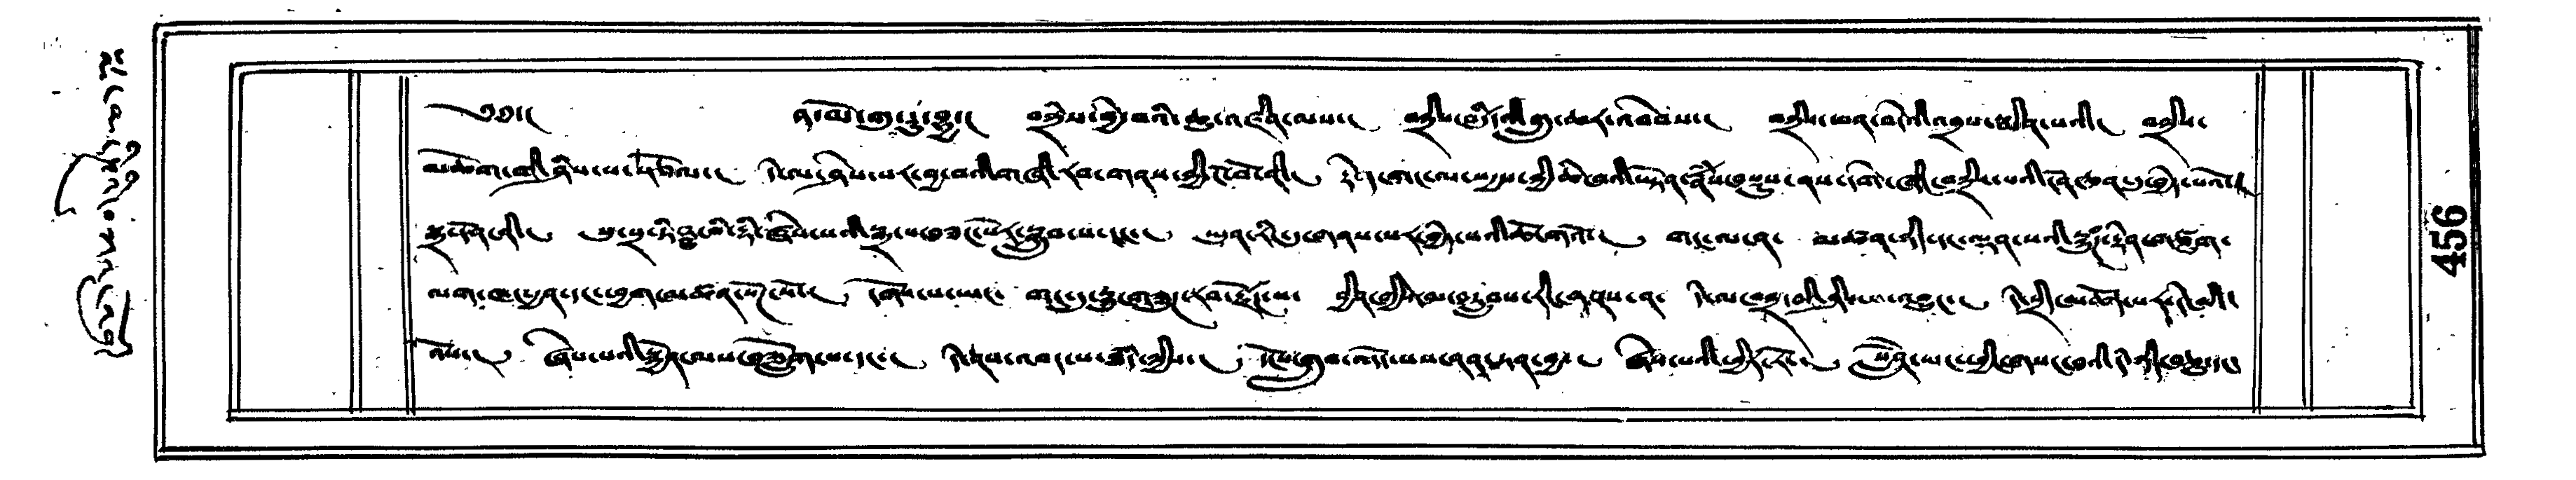ན་མོ་གུ་རུ་བྷྱ། བཀྲ་ཤིས་བྱེ་བའི་ཆུ་འཛིན་ལས། བཀྲ་ཤིས་བདུད་རྩིའི་གྲུ་ཆར་འབེབས། བཀྲ་ཤིས་ཕན་བདེའི་འབྲས་སྨིན་པའི། བཀྲ་ཤིས་
མཆོག་གི་ཤིས་པ་རྩོལ། དེ་ལ་ཤེས་པར་བྱ་བའི་གཞི་རབ་གནས་ཀྱི་ངོ་བོ་ནི། རྟེན་གང་ལ་སངས་རྒྱས་ཀྱི་ཆེ་བའི་ཡོན་ཏན་རྣམས་བསྡུས་ནས་དགེ་ཞིང་བཀྲ་ཤིས་པའི་དོན་ཅན་དུ་བྱེད་པའོ། 
སྒྲ་དོན་ནི། སུ་པྲ་ཏིཥྛབི་དྷི་ཞེས་པའི་སྒྲས་བཟང་པོར་སྒྲུབ་པ་དང་། ཡུན་རིང་དུ་གནས་པར་བྱེད་པའི་ཆོ་ག་འོ། གང་ལ་ན། མཚན་ཉིད་དང་ལྡན་པའི་སྐུ་གསུང་ཐུགས་རྟེན་གཙུག་ལག་
ཁང་རྒྱན་དང་ཕྱག་མཚན་སོགས་སོ། དགོས་པ་ཡང་། གང་དུ་སྐུ་གཟུགས་རབ་རྫོགས་པ། །བྱིན་གྱིས་མ་བརླབས་རིང་གནས་ན། །དེ་ལ་བཀྲ་མི་ཤིས་པ་འབྱུང་། །དེ་སྲིད་མཆོད་པར་དེ་མི་
འོས། །ཞེས་པའི་སྐྱོན་ལས་བཟློག་པ་དང་། །དེ་ནས་འབད་པ་ཐམས་ཅད་ཀྱིས། །དངོས་གྲུབ་འདོད་པས་ནན་ཏན་བྱ། ཞེས་པའི་ཕྱིར་རོ། སློབ་དཔོན་ཡང་ཕྱི་ནང་གསང་བའི་དེ་ཉིད་བཅུ་དང་